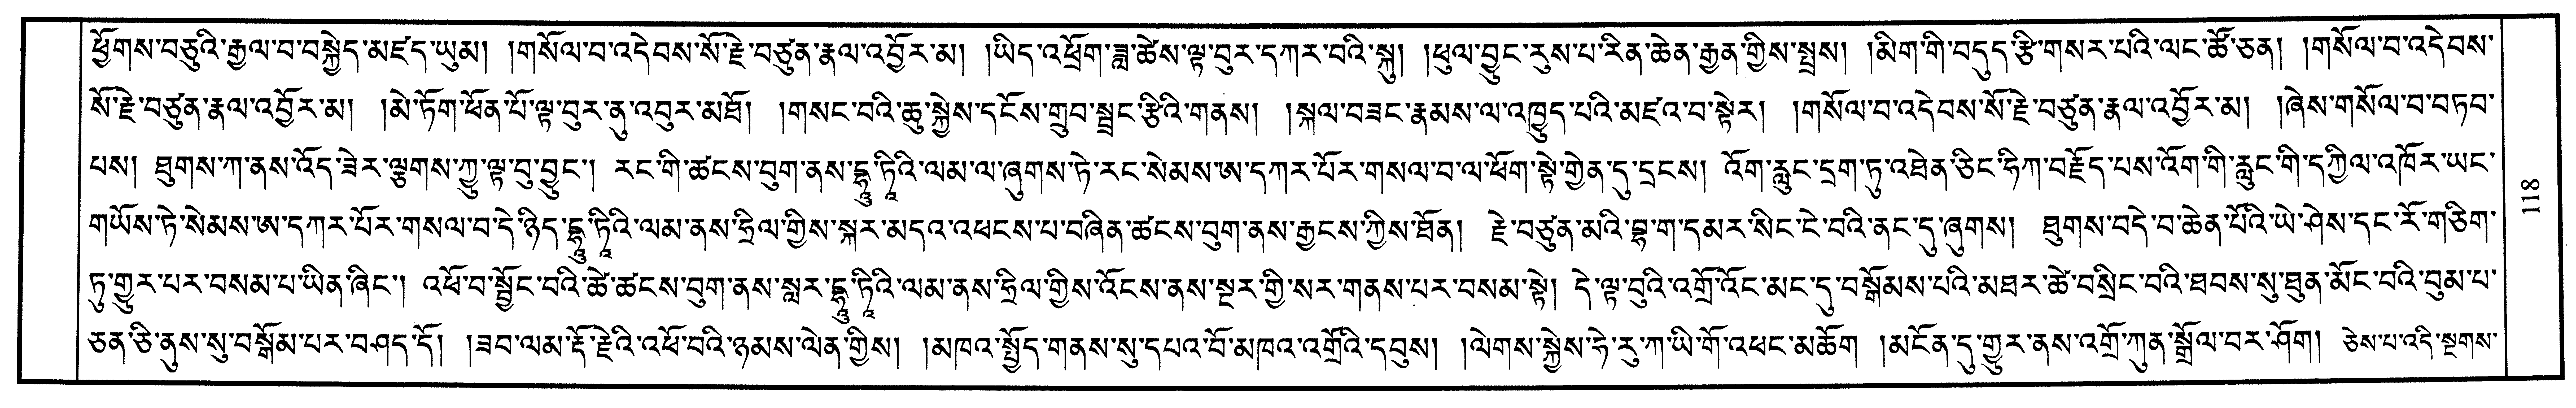ཕྱོགས་བཅུའི་རྒྱལ་བ་བསྐྱེད་མཛད་ཡུམ། །གསོལ་བ་འདེབས་སོ་རྗེ་བཙུན་རྣལ་འབྱོར་མ། །ཡིད་འཕྲོག་ཟླ་ཚེས་ལྟ་བུར་དཀར་བའི་སྐུ། །ཕུལ་བྱུང་རུས་པ་རིན་ཆེན་རྒྱན་གྱིས་སྤྲས། །མིག་གི་བདུད་རྩི་གསར་པའི་ལང་ཚོ་ཅན། །གསོལ་བ་འདེབས་
སོ་རྗེ་བཙུན་རྣལ་འབྱོར་མ། །མེ་ཏོག་ཕོན་པོ་ལྟ་བུར་ནུ་འབུར་མཐོ། །གསང་བའི་ཆུ་སྐྱེས་དངོས་གྲུབ་སྦྲང་རྩིའི་གནས། །སྐལ་བཟང་རྣམས་ལ་འཁྱུད་པའི་མཛའ་བ་སྟེར། །གསོལ་བ་འདེབས་སོ་རྗེ་བཙུན་རྣལ་འབྱོར་མ། །ཞེས་གསོལ་བ་བཏབ་
པས། །ཐུགས་ཀ་ནས་འོད་ཟེར་ལྕགས་ཀྱུ་ལྟ་བུ་བྱུང་། །རང་གི་ཚངས་བུག་ནས་དྷཱུ་ཏཱིའི་ལམ་དུ་ཞུགས་ཏེ་རང་སེམས་ཨ་དཀར་པོར་གསལ་བ་ལ་ཕོག་སྟེ་གྱེན་དུ་དྲངས། འོག་རླུང་དྲག་ཏུ་འཐེན་ཅིང་ཧིཀ་བརྗོད་པས་འོག་གི་རླུང་གི་དཀྱིལ་འཁོར་ཡང་
གཡོས་ཏེ་སེམས་ཨ་དཀར་པོར་གསལ་བ་དེ་ཉིད་དྷཱུ་ཏཱིའི་ལམ་ནས་ཧྲིལ་གྱིས་སྐར་མདའ་འཕངས་པ་བཞིན་ཚངས་བུག་ནས་རྒྱངས་ཀྱིས་ཐོན། རྗེ་བཙུན་མའི་བྷ་ག་དམར་སིང་ངེ་བའི་ནང་དུ་ཞུགས། ཐུགས་བདེ་བ་ཆེན་པོའི་ཡེ་ཤེས་དང་རོ་གཅིག་
ཏུ་གྱུར་པར་བསམ་པ་ཡིན་ཞིང་། འཕོ་བ་སྦྱོང་བའི་ཚེ་ཚངས་བུག་ནས་སླར་དྷཱུ་ཏཱིའི་ལམ་ནས་ཧྲིལ་གྱིས་འོངས་ནས་སྔར་གྱི་སར་གནས་པར་བསམ་སྟེ། དེ་ལྟ་བུའི་འགྲོ་འོང་མང་དུ་བསྒོམས་པའི་མཐར་ཚེ་བསྲིང་བའི་ཐབས་སུ་ཐུན་མོང་བའི་བུམ་པ་
ཅན་ཅི་ནུས་སུ་བསྒོམ་པར་བཤད་དོ། །ཟབ་ལམ་རྡོ་རྗེའི་འཕོ་བའི་ཉམས་ལེན་གྱིས། །མཁའ་སྤྱོད་གནས་སུ་དཔའ་བོ་མཁའ་འགྲོའི་དབུས། །ལེགས་སྐྱེས་ཧེ་རུ་ཀ་ཡི་གོ་འཕང་མཆོག །མངོན་དུ་གྱུར་ནས་འགྲོ་ཀུན་སྒྲོལ་བར་ཤོག །ཅེས་པ་འདི་སྔགས་